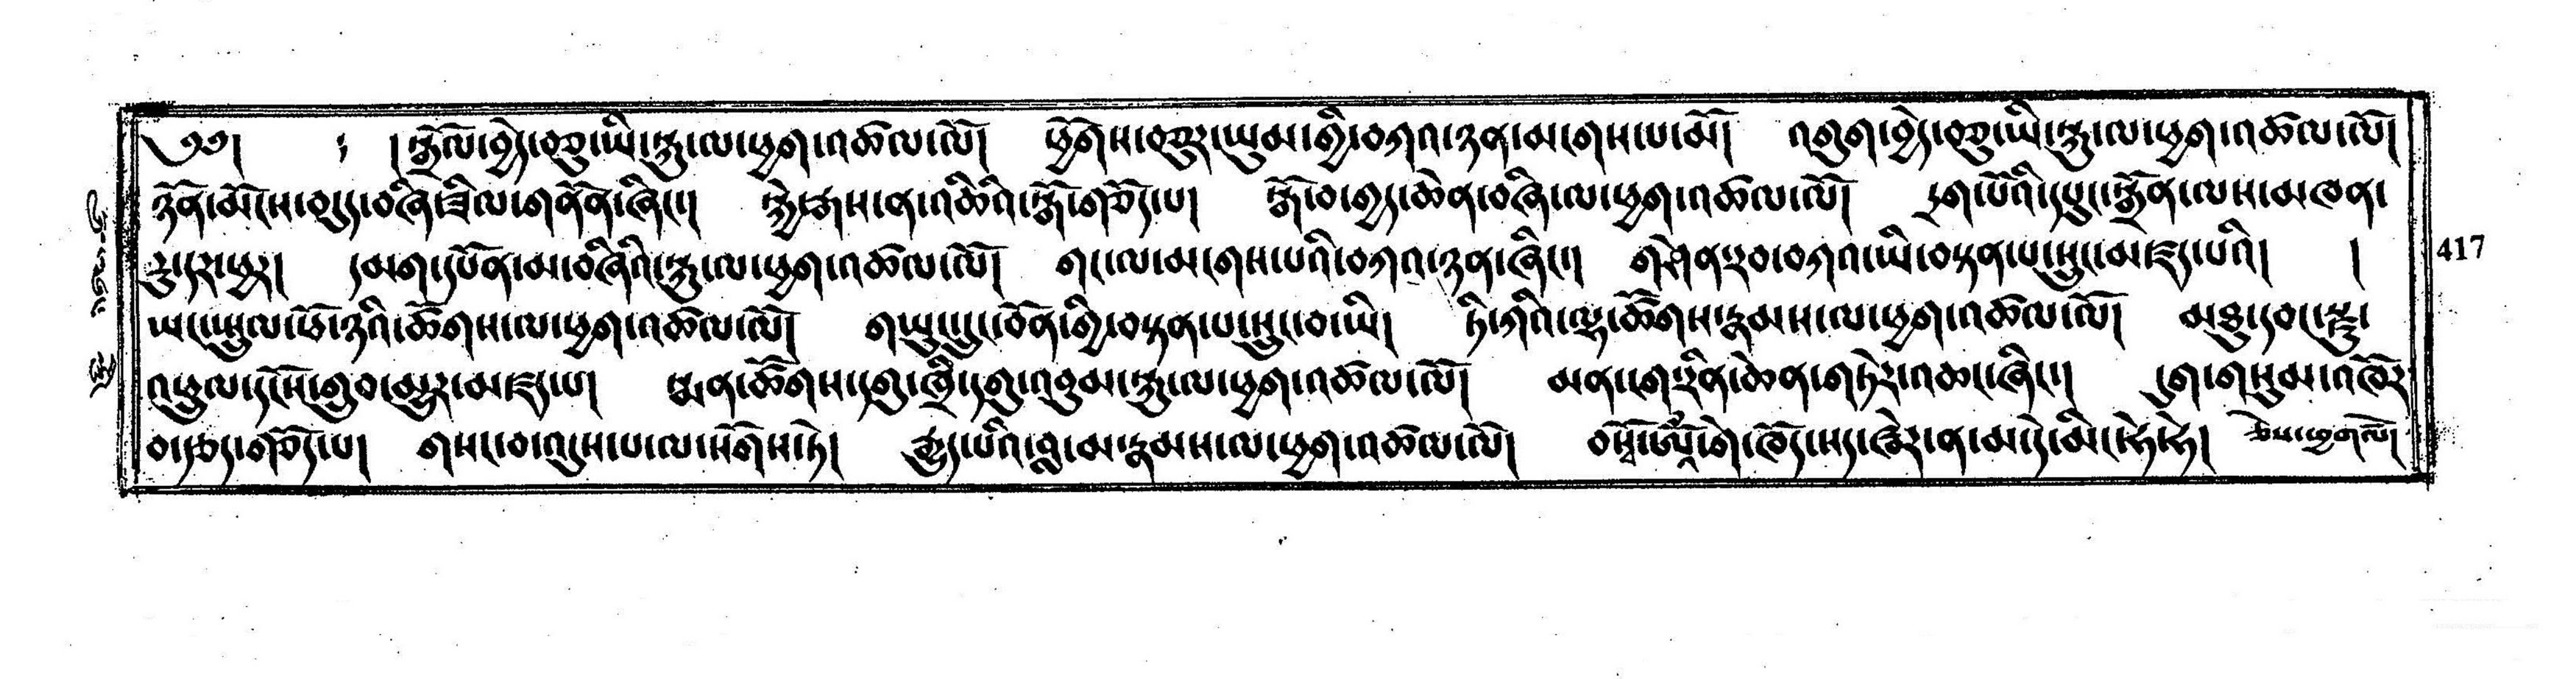སྒྲོལ་བྱེད་བཅུ་ཡི་སྐུ་ལ་ཕྱག་འཚལ་ལོ། ཕྱོགས་བཅུར་ཡུམ་གྱི་བཀའ་ཉན་མངགས་པ་མོ། འགུག་བྱེད་བཅུ་ཡི་སྐུ་ལ་ཕྱག་{427}འཚལ་ལོ། 
ཉོན་མོངས་བདུད་བཞི་ཟིལ་གནོན་ཞིང་། སྐྱེ་རྒས་ན་འཆིའི་སྒོ་གཅོད་པ། སྒོ་བ་གྱད་ཆེན་བཞི་ལ་ཕྱག་འཚལ་ལོ། དྲག་པོའི་དཔུང་སྒྲོན་ལས་མཁན་
རུ་དར་ཕྱར། དམག་དཔོན་མ་བཞིའི་སྐུ་ལ་ཕྱག་འཚལ་ལོ། གང་ལ་མངགས་པའི་བཀའ་ཉན་ཞིང་། གཤེན་རབ་བཀའ་ཡི་བསྟན་པ་སྲུང་མཛད་པའི། 
ཡང་སྤྲུལ་ཕོ་ཉའི་ཚོགས་ལ་ཕྱག་འཚལ་ལོ། གཡུང་དྲུང་བོན་གྱི་བསྟན་པ་སྲུང་བ་ཡི། ཏི་ཀའི་ལྷ་ཚོགས་རྣམས་ལ་ཕྱག་འཚལ་ལོ། མཐུ་དབང་རྫུ་
འཕྲུལ་དངོས་གྲུབ་མྱུར་མཛད་པ། སྨན་ཚོགས་དགུ་ཁྲི་དགུ་འབུམ་སྐུ་ལ་ཕྱག་འཚལ་ལོ། མན་ངག་རིན་ཆེན་གཏེར་འཆང་ཞིང་། དུག་གསུམ་འཁོར་
བ་རྩད་གཅོད་པ། གསང་བ་འདུས་པ་ལ་སོགས་ཏེ། རྒྱུད་པའི་བླ་མ་རྣམས་ལ་ཕྱག་འཚལ་ལོ། བསྭོ་ཨཱོཾ་གེ་ཁོད་སད་ཝེར་ན་མ་དེ་མིང་ཧེ་ཧེ། ཅེས་ཕྱག ་འཚལ་ལོ།